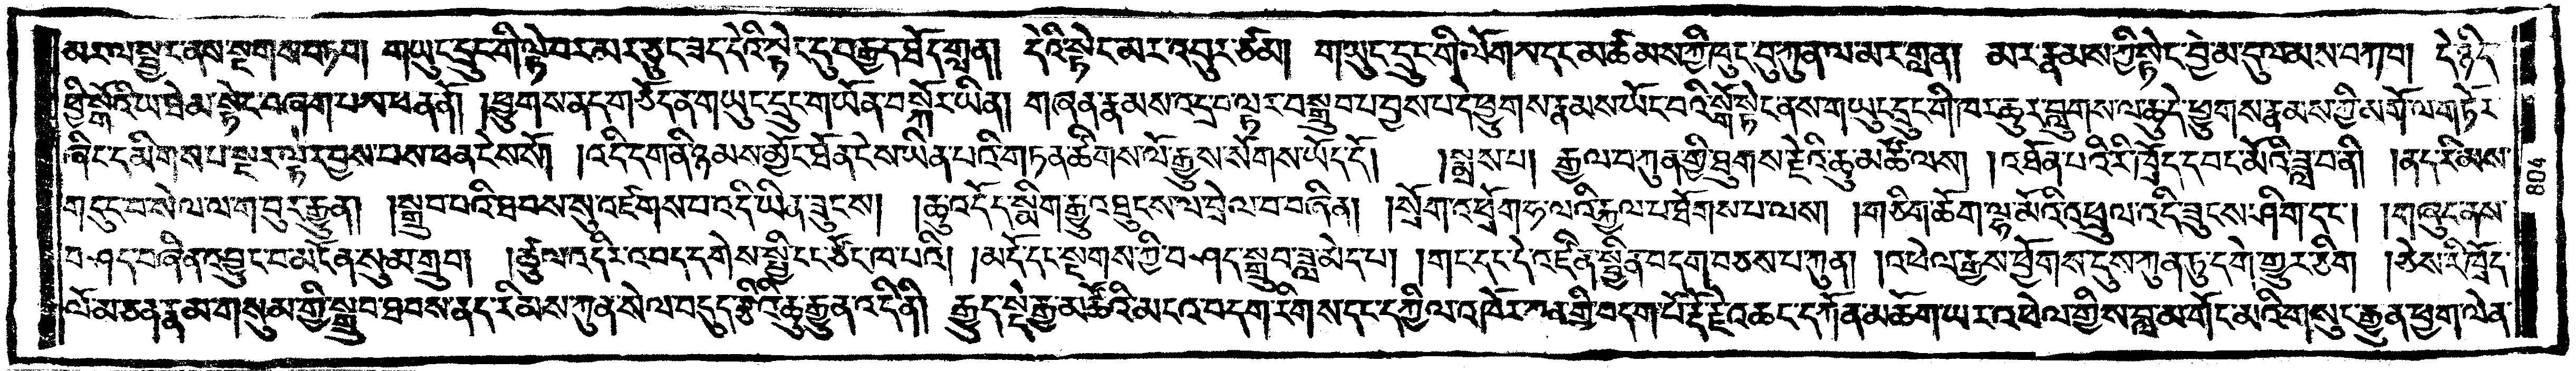མར་ལ་སྦྱར་ནས་སྔགས་བཏབ། གཡུང་དྲུང་གི་ལྟེ་བར་མར་ཅུང་ཟད་དེའི་སྟེང་དུ་བརྒྱད་ཐོད་གླན། དེའི་སྟེང་མར་འབུར་ཙམ། གཡུང་དྲུང་གི་ལོགས་དང་མཚམས་ཀྱི་ཁུང་བུ་ཀུན་ལ་མར་གླན། མར་རྣམས་ཀྱི་སྟེང་བྱེ་མ་དུལ་མས་བཀབ། དེ་ཉིད་
ཕྱི་སྒོའི་ཡ་ཐེམ་སྟེང་བཞག་པས་ཕན་ནོ། །ཕྱུགས་ནད་གཅོད་ན་གཡུང་དྲུང་གཡོན་བསྐོར་ཡིན། གཞན་རྣམས་འདྲ་བ་ལྟར་བསྒྲུབ་པ་བྱས་པ་དེ་ཕྱུགས་རྣམས་ཡོང་བའི་སྒོ་སྟེང་ནས་གཡུང་དྲུང་གི་ཁར་ཆུར་བླུགས་ལ་ཆུ་དེ་ཕྱུགས་རྣམས་ཀྱི་མགོ་ལ་གཏོར་
ཞིང་དམིགས་པ་སྔར་ལྟར་བྱས་པས་ཕན་ངེས་སོ། །འདི་དག་ནི་ཉམས་མྱོང་ཐོན་ངེས་ཡིན་པའི་གཏན་ཚིགས་ལོ་རྒྱུས་སོགས་ཡོད་དོ། །སྨྲས་པ། རྒྱལ་བ་ཀུན་གྱི་ཐུགས་རྗེའི་ཆུ་མཚོ་ལས། །འཐོན་པའི་རི་ཁྲོད་དབང་མོའི་ཟླ་བ་ནི། །ནད་རིམས་
གདུང་བ་སེལ་ལག་བུར་རྒྱུན། །སྒྲུབ་པའི་ཐབས་སུ་འཛིགས་པ་འདི་ཡིན་ཟུངས། །ཆུ་འདོད་སྨིག་རྒྱུ་འཐུངས་ལ་བྲེལ་བ་བཞིན། །སྲོག་འཕྲོག་ཧ་ལའི་རྒྱལ་པ་ཐོགས་པ་ལས། །གཅིག་ཆོག་ལྷ་མོའི་འཕྲུལ་འདི་ཟུངས་ཤིག་དང་། །གཞུང་ནས་
བཤད་བཞིན་འབྱུང་བ་མངོན་སུམ་གྲུབ། །ཚུལ་འདིར་འཕད་དགེ་?་?ཅོ་ཁང་པའི། །མདོ་དང་སྔགས་གྱི་བཤད་སྒྲུབ་ཟླ་མེད་པ། །གང་དང་དེ་འཛིན་སྦྱིན་བདག་བཅས་པ་ཀུན། །འཕེལ་རྒྱས་ཕྱོགས་དུས་ཀུན་ཏུ་དགེ་གྱུར་ཅིག །ཅེས་རི་ཁྲོད་
ལོ་མ་ཅན་རྣམ་གསུམ་གྱི་སྒྲུབ་ཐབས་ནད་རིམས་ཀུན་སེལ་བདུད་རྩིའི་ཆུ་རྒྱུན་འདི་ནི། རྒྱུད་སྡེ་རྒྱ་མཚོའི་མངའ་བདག་རིགས་དང་དཀྱིལ་འཁོར་ཀུན་གྱི་བདག་པོ་རྡོ་རྗེ་འཆང་དཀོན་མཆོག་ཡར་འཕེལ་གྱིས་བླ་མ་གོང་མའི་གསུང་རྒྱུན་ཕྱག་ལེ་